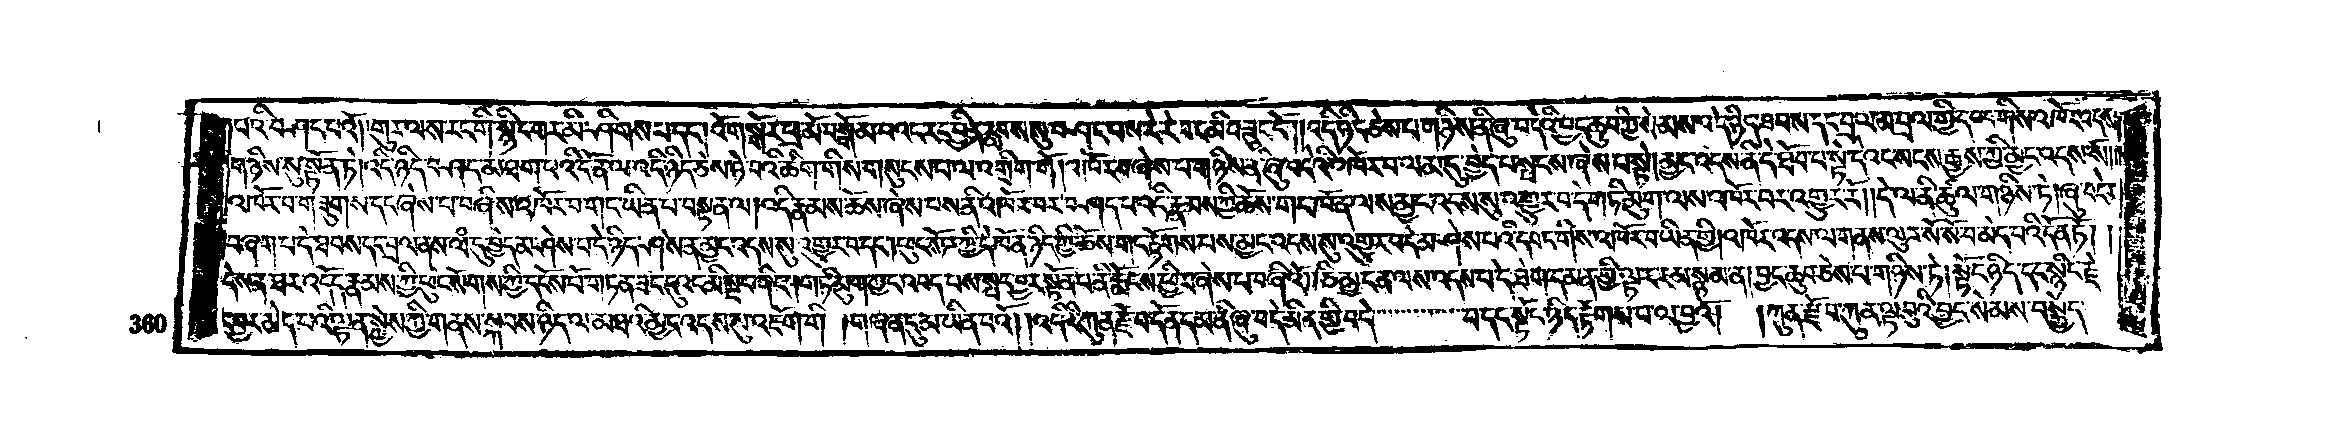པའི་བཤད་པའོ། །གུར་ལས་རང་གི་སྙིང་གར་མི་ཤིགས་པ་དང་། འོག་སྒོར་ཕྲ་མོ་བསྒོམ་པའང་རང་བྱིན་རླབས་སུ་བཤད་པས་རེ་རེ་བར་མི་བཟུང་ངོ། །འདི་ཉིད་ཅེས་པ་གཉིས་ནི་ཞུ་བདེའི་བྱང་ཆུབ་ཀྱི་སེམས་འདི་ཉིད་ཐབས་དང་བྲལ་མ་བྲལ་གྱི་དབང་གིས་འཁོར་འདས་
གཉིས་སུ་སྟོན་ཏེ། འདི་ཉིད་བཤད་མ་ཐག་པའི་དོན་ལ་འདི་ཉིད་ཅེས་ཉེ་བའི་ཚིག་གིས་གསུངས་པ་ལ་འགྲིག་གོ། འཁོར་བ་ཞེས་པ་གཉིས་ནི་ཞུ་བདེའི་འཁོར་བ་ལམ་དུ་བྱེད་པ་སྤངས་ཞེས་པ་སྟེ། མྱང་འདས་ནི་དེ་ཐོབ་པ་སྟེ་དེའང་སངས་རྒྱས་ཀྱི་མྱང་འདས་སོ། །
འཁོར་བ་གཟུགས་དང་ཞེས་པ་བཞིས་འཁོར་བ་གང་ཡིན་པ་བསྟན་ལ། འདི་རྣམས་ཆོས་ཞེས་པས་ནི་འཁོར་བར་བཤད་པ་འདི་རྣམས་ཀྱི་ཆོས་གང་ཁོ་ན་ལས་མྱང་འདས་སུ་འགྱུར་བ་དེ་གཏི་མུག་ལས་འཁོར་བར་འགྱུར་རོ། །དེ་ལ་ནི་ཚུལ་གཉིས་ཏེ། ཞུ་བདེར་
བཞག་པ་དེ་ཐབས་དང་བྲལ་ནས་ལམ་དུ་བྱེད་མ་ཤེས་པ་དེ་ཉིད་ཤེས་ན་མྱང་འདས་སུ་འགྱུར་བ་དང་། ཕུང་སོགས་ཀྱི་དེ་ཁོ་ན་ཉིད་ཀྱི་ཆོས་གང་རྟོགས་པས་མྱང་འདས་སུ་འགྱུར་བ་དེ་མ་ཤེས་པའི་དབང་གིས་འཁོར་བ་ཡིན་གྱི། འཁོར་འདས་ལ་གནས་ལུགས་སོ་སོ་བ་མེད་པའི་དོན་ཏོ། །
དེས་ན་ཐར་འདོད་རྣམས་ཀྱི་ཕུང་སོགས་ཀྱི་དངོས་པོ་གཏན་ཟང་དུའང་མི་སྡང་ཞིང་། གཏི་མུག་ཀྱང་འབད་པས་སྤང་བྱར་སྟོན་པ་ནི་རྨོངས་ཕྱིར་ཞེས་པ་བཞིའོ། །ཅི་མྱ་ངན་ལས་འདས་པ་དེ་ཐེག་དམན་གྱི་ལྟར་རམ་སྙམ་ན། བྱང་ཆུབ་ཅེས་པ་གཉིས་ཏེ། སྟོང་ཉིད་དང་སྙིང་རྗེ་
དབྱར་མེད་པའི་ལྷན་སྐྱེས་ཀྱི་གནས་སྐབས་ཉིད་ལ་མཐའི་མྱང་འདས་སུ་འཇོག་གི ། གཞན་དུ་མ་ཡིན་པའོ། །འདིའི་ཀུན་རྫོབ་དོན་དམ་ནི་ཞུ་བདེ་མིན་གྱི་བདེ་བ་དང་སྟོང་ཉིད་རྟོགས་པ་ལ་བྱའོ། །ཀུན་རྫོབ་ཀུན་ལྟ་བུའི་བྱང་སེམས་བསྐྱེད་